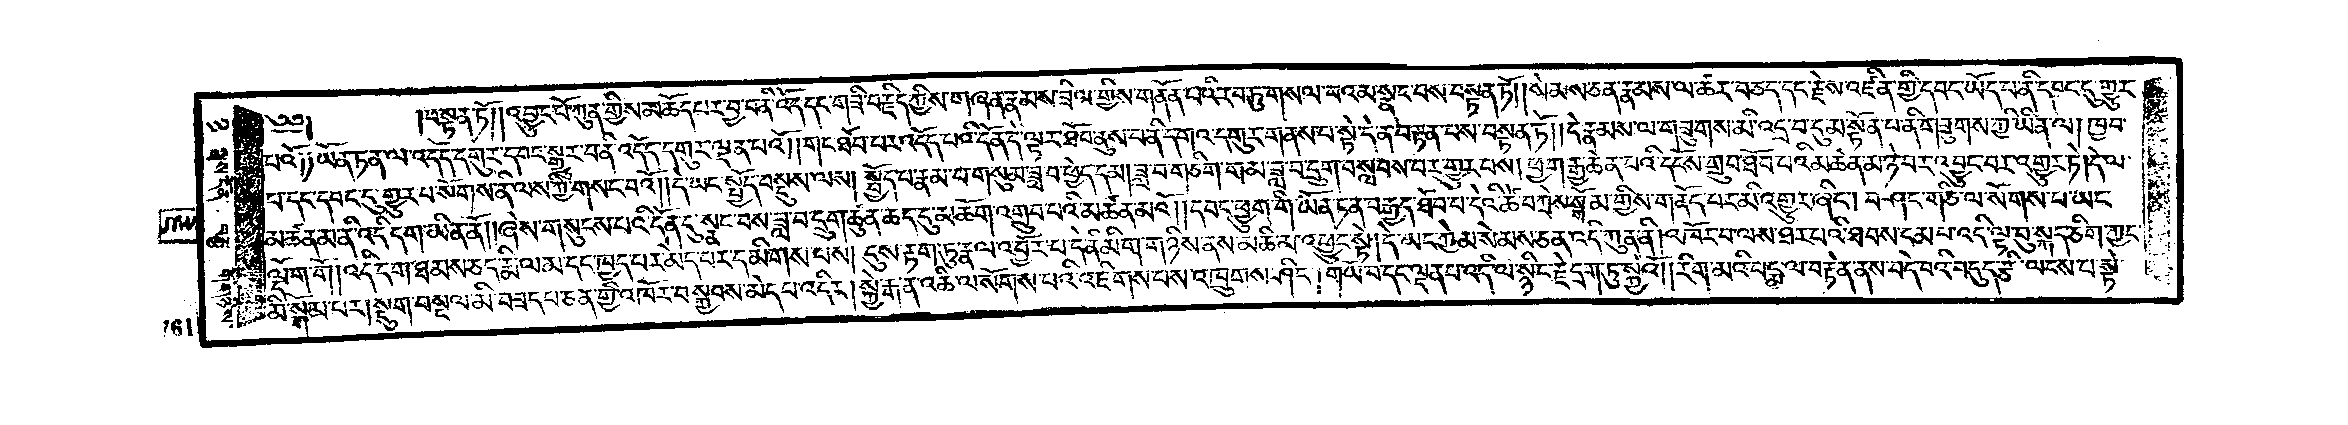༄༅། །བསྟན་ཏོ། །འབྱུང་པོ་ཀུན་གྱིས་མཆོད་པར་བྱ་བ་ནི་འོད་དང་གཟི་བརྗིད་ཀྱིས་གཞན་རྣམས་ཟིལ་གྱིས་གནོན་པའི་རབ་ཏུ་གསལ་བའམ་སྣང་བས་བསྟན་ཏོ། །སེམས་ཅན་རྣམས་ལ་ཚར་བཅད་དང་རྗེས་འཛིན་གྱི་དབང་ཡོད་པ་ནི་དབང་དུ་གྱུར་
པའོ། །ཡོན་ཏན་ལ་འདོད་དགུར་དབང་སྒྱུར་བ་ནི་འདོད་དགུར་ལྡན་པའོ། །གང་ཐོབ་པར་འདོད་པའི་དོན་དེ་ལྟར་ཐོབ་ནུས་པ་ནི་དགའ་དགུར་གནས་པ་སྟེ་དེ་ནི་བརྟན་པས་བསྟན་ཏོ། །དེ་རྣམས་ལ་གཟུགས་མི་འདྲ་བ་དུ་མ་སྟོན་པ་ནི་གཟུགས་ཀྱི་ཡིན་ལ། ཁྱབ་
པ་དང་དབང་དུ་གྱུར་པ་སོགས་ནི་ལས་ཀྱི་གསང་བའོ། །དེ་ཡང་སྤྱོད་བསྡུས་ལས། སྤྱོད་པ་རྣམ་པ་གསུམ་ཟླ་བ་ཕྱེད་དམ། ཟླ་བ་གཅིག་གམ་ཟླ་བ་དྲུག་བསླབས་པར་གྱུར་པས། ཕྱག་རྒྱ་ཆེན་པའི་དངོས་གྲུབ་ཐོབ་པའི་མཚན་མ་ཉེ་བར་འབྱུང་བར་འགྱུར་ཏེ། དེ་ལ་
མཚན་མ་ནི་འདི་དག་ཡིན་ནོ། །ཞེས་གསུངས་པའི་དོན་དུ་སྣང་བས་ཟླ་བ་དྲུག་ཚུན་ཆད་དུ་མཆོག་འགྲུབ་པའི་མཚན་མའོ། །དབང་ཕྱུག་གི་ཡོན་ཏན་བརྒྱད་ཐོབ་པ་དེའི་ཚེ་བཀྲེས་སྐོམ་གྱིས་གནོད་པར་མི་འགྱུར་ཞིང་། བཤང་གཅི་ལ་སོགས་པ་ཡང་
ལྡོག་གོ །འདི་དག་ཐམས་ཅད་རྨི་ལམ་དང་ཁྱད་པར་མེད་པར་དམིགས་པས། དུས་རྟག་ཏུ་རྣལ་འབྱོར་པ་དེ་ནི་མིག་གཉིས་ནས་མཆི་མ་འཕྱུང་སྟེ། དེ་ཡང་ཀྱེ་མ་སེམས་ཅན་འདི་ཀུན་ནི། འཁོར་བ་ལས་ཐར་པའི་ཐབས་དམ་པ་འདི་ལྟ་བུ་སྐད་ཅིག་ཀྱང་
མི་སྒོམ་པར། སྡུག་བསྔལ་མི་བཟད་པ་ཅན་གྱི་འཁོར་བ་བསྐྱབས་མེད་པ་འདིར། སྐྱེ་རྒན་འཆི་ལ་སོགས་པའི་འཇིགས་པས་འཁྲུགས་ཤིང་། གཡོ་བ་དང་ལྡན་པ་འདི་ལ་སྙིང་རྗེ་དྲག་ཏུ་སྐྱེའོ། །རིག་མའི་པདམ་ལ་བརྟེན་ནས་བདེ་བའི་བདུད་རྩི་ལངས་པ་སྟེ་